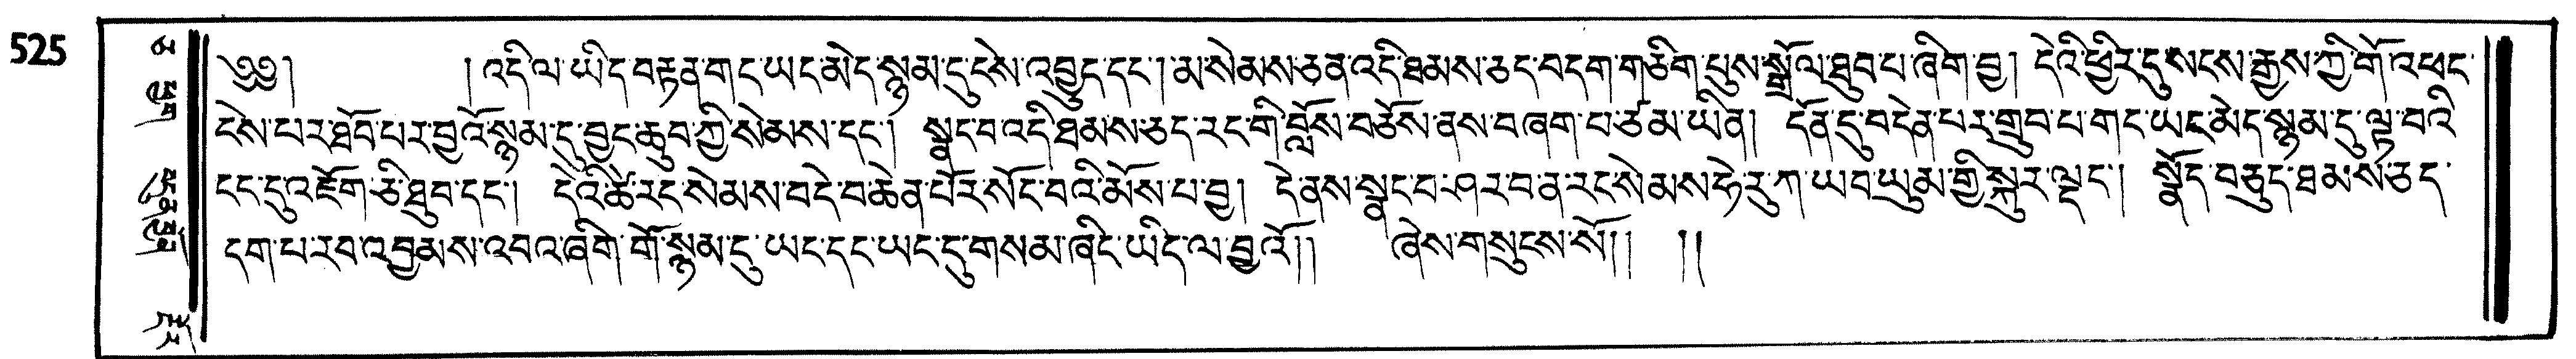༄༅། །འདི་ལ་ཡིད་བརྟན་གང་ཡང་མེད་སྙམ་དུ་ངེས་འབྱུང་དང་། མ་སེམས་ཅན་འདི་ཐམས་ཅད་བདག་གཅིག་པུས་སྒྲོལ་ཐུབ་པ་ཞིག་བྱ། དེའི་ཕྱིར་དུ་སངས་རྒྱས་ཀྱི་གོ་འཕང་
ངེས་པར་ཐོབ་པར་བྱའོ་སྙམ་དུ་བྱང་ཆུབ་ཀྱི་སེམས་དང་། སྣང་བ་འདི་ཐམས་ཅད་རང་གི་བློས་བཅོས་ནས་བཞག་པ་ཙམ་ཡིན། དོན་དུ་བདེན་པར་གྲུབ་པ་གང་ཡང་མེད་སྙམ་དུ་ལྟ་བའི་
ངང་དུ་འཇོག་ཅི་ཐུབ་དང་། དེའི་ཚེ་རང་སེམས་བདེ་བ་ཆེན་པོར་སོང་བའི་མོས་པ་བྱ། དེ་ནས་སྣང་བ་ཤར་བ་ན་རང་སེམས་ཧེ་རུ་ཀ་ཡབ་ཡུམ་གྱི་སྐུར་ལྡང་། སྣོད་བཅུད་ཐམས་ཅད་དག་པ་རབ་འབྱམས་འབའ་ཞིག་གོ་སྙམ་དུ་ཡང་དང་ཡང་དུ་གསམ་ཞིང་ཡིད་ལ་བྱའོ།། ཞེས་གསུངས་སོ།། །།